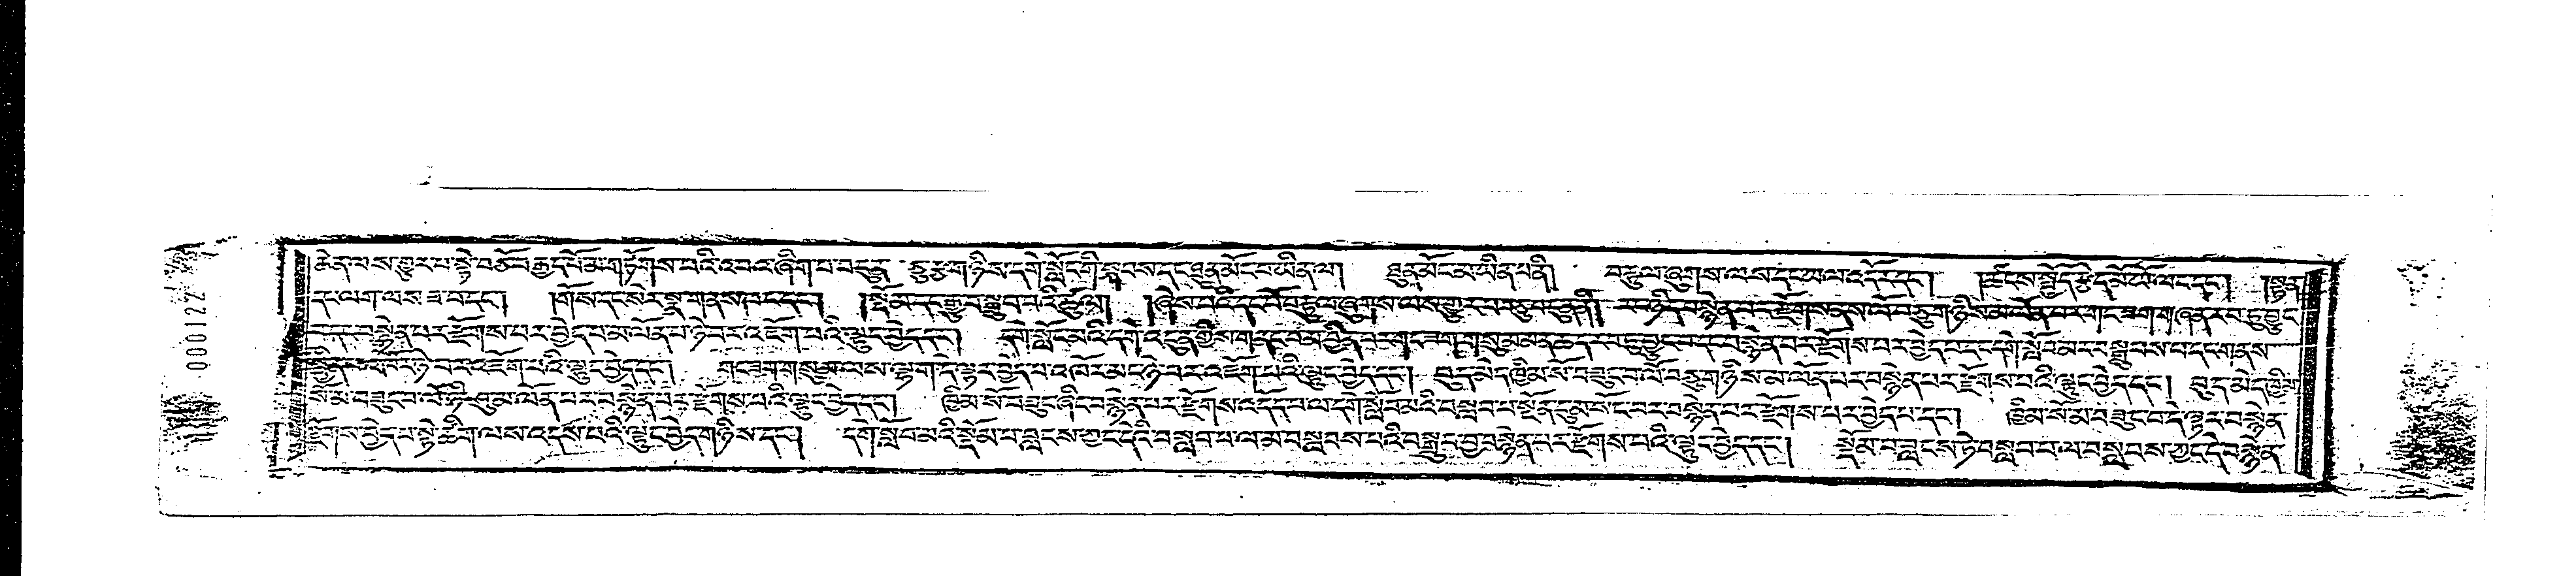ཆེན་ལས་གྱུར་པ་སྟེ་བཅོ་བརྒྱད་པོ་མ་གཏོགས་པའི་འབའ་ཞིག་པ་བདུན་ཅུ་རྩ་གཉིས་དགེ་སློང་གི་སྐབས་དང་ཐུན་མོང་བ་ཡིན་ལ། ཐུན་མོང་མ་ཡིན་པ་ནི། བརྟུལ་ཞུགས་ལས་དང་ཡལ་འདོར་དང་། །ཚངས་སྤྱོད་རྩེད་མོ་ཡོ་ལང་དང་། །སྟན་
དང་ལག་ལས་ཟ་བ་དང་། །གོས་དང་སེར་སྣ་གནས་ཁང་དང་། །སྡོམ་དང་རྒྱུ་བ་སྒྲུབ་པའི་ཚུལ། །ཞེས་པའི་དང་པོ་བརྟུལ་ཞུགས་ལས་གྱུར་པ་བཅུ་བདུན་ནི། རང་ཉིད་བསྙེན་པར་རྫོགས་ནས་ལོ་བཅུ་གཉིས་མ་ལོན་པར་གང་ཟག་གཞན་རབ་ཏུ་བྱུང་
བ་དང་བསྙེན་པར་རྫོགས་པར་བྱེད་པ་མ་ལོན་པ་ཉེ་བར་འཇོག་པའི་ལྟུང་བྱེད་དང་། དགེ་སློང་མའི་དགེ་འདུན་གྱིས་གནང་བ་མ་བྱིན་པར་གང་ཟག་གསུམ་མན་ཆད་རབ་ཏུ་བྱུང་བ་དང་བསྙེན་པར་རྫོགས་པར་བྱེད་པ་དང་དགེ་སློབ་མར་བསྒྲུབས་པ་དང་གནས་
སྦྱིན་པ་འཁོར་ཉེ་བར་འཇོག་པའི་ལྟུང་བྱེད་དང་། གང་ཟག་གསུམ་ལས་ལྷག་དེ་ལྟར་བྱེད་པ་འཁོར་མང་ཉེ་བར་འཇོག་པའི་ལྟུང་བྱེད་དང་། བུད་མེད་ཁྱིམ་སོ་བཟུང་བ་ལོ་བཅུ་གཉིས་མ་ལོན་པར་བསྙེན་པར་རྫོགས་པའི་ལྟུང་བྱེད་དང་། བུད་མེད་ཁྱིམ་
སོ་མ་བཟུང་བ་ལོ་ཉི་ཤུ་མ་ལོན་པར་བསྙེན་པར་རྫོགས་པའི་ལྟུང་བྱེད་དང་། ཁྱིམ་སོ་བཟུང་ཞིང་བསྙེན་པར་རྫོགས་འདོད་པ་ལ་དགེ་སློབ་མའི་བསླབ་པ་སྔོན་དུ་མ་སོང་བར་བསྙེན་པར་རྫོགས་པར་བྱེད་པ་དང་། ཁྱིམ་སོ་མ་བཟུང་བ་དེ་ལྟར་བསྙེན་
རྫོགས་བྱེད་པ་སྟེ་ཚིག་ལས་འདས་པའི་ལྟུང་བྱེད་གཉིས་དང་། དགེ་སློབ་མའི་སྡོམ་པ་བླངས་ཀྱང་དེའི་བསླབ་པ་ལ་མ་བསླབས་པའི་བསྒྲུབ་བྱ་བསྙེན་པར་རྫོགས་པའི་ལྟུང་བྱེད་དང་། སྡོམ་པ་བླངས་ཏེ་བསླབ་པ་ལ་བསླབས་ཀྱང་དེ་བསྙེན་